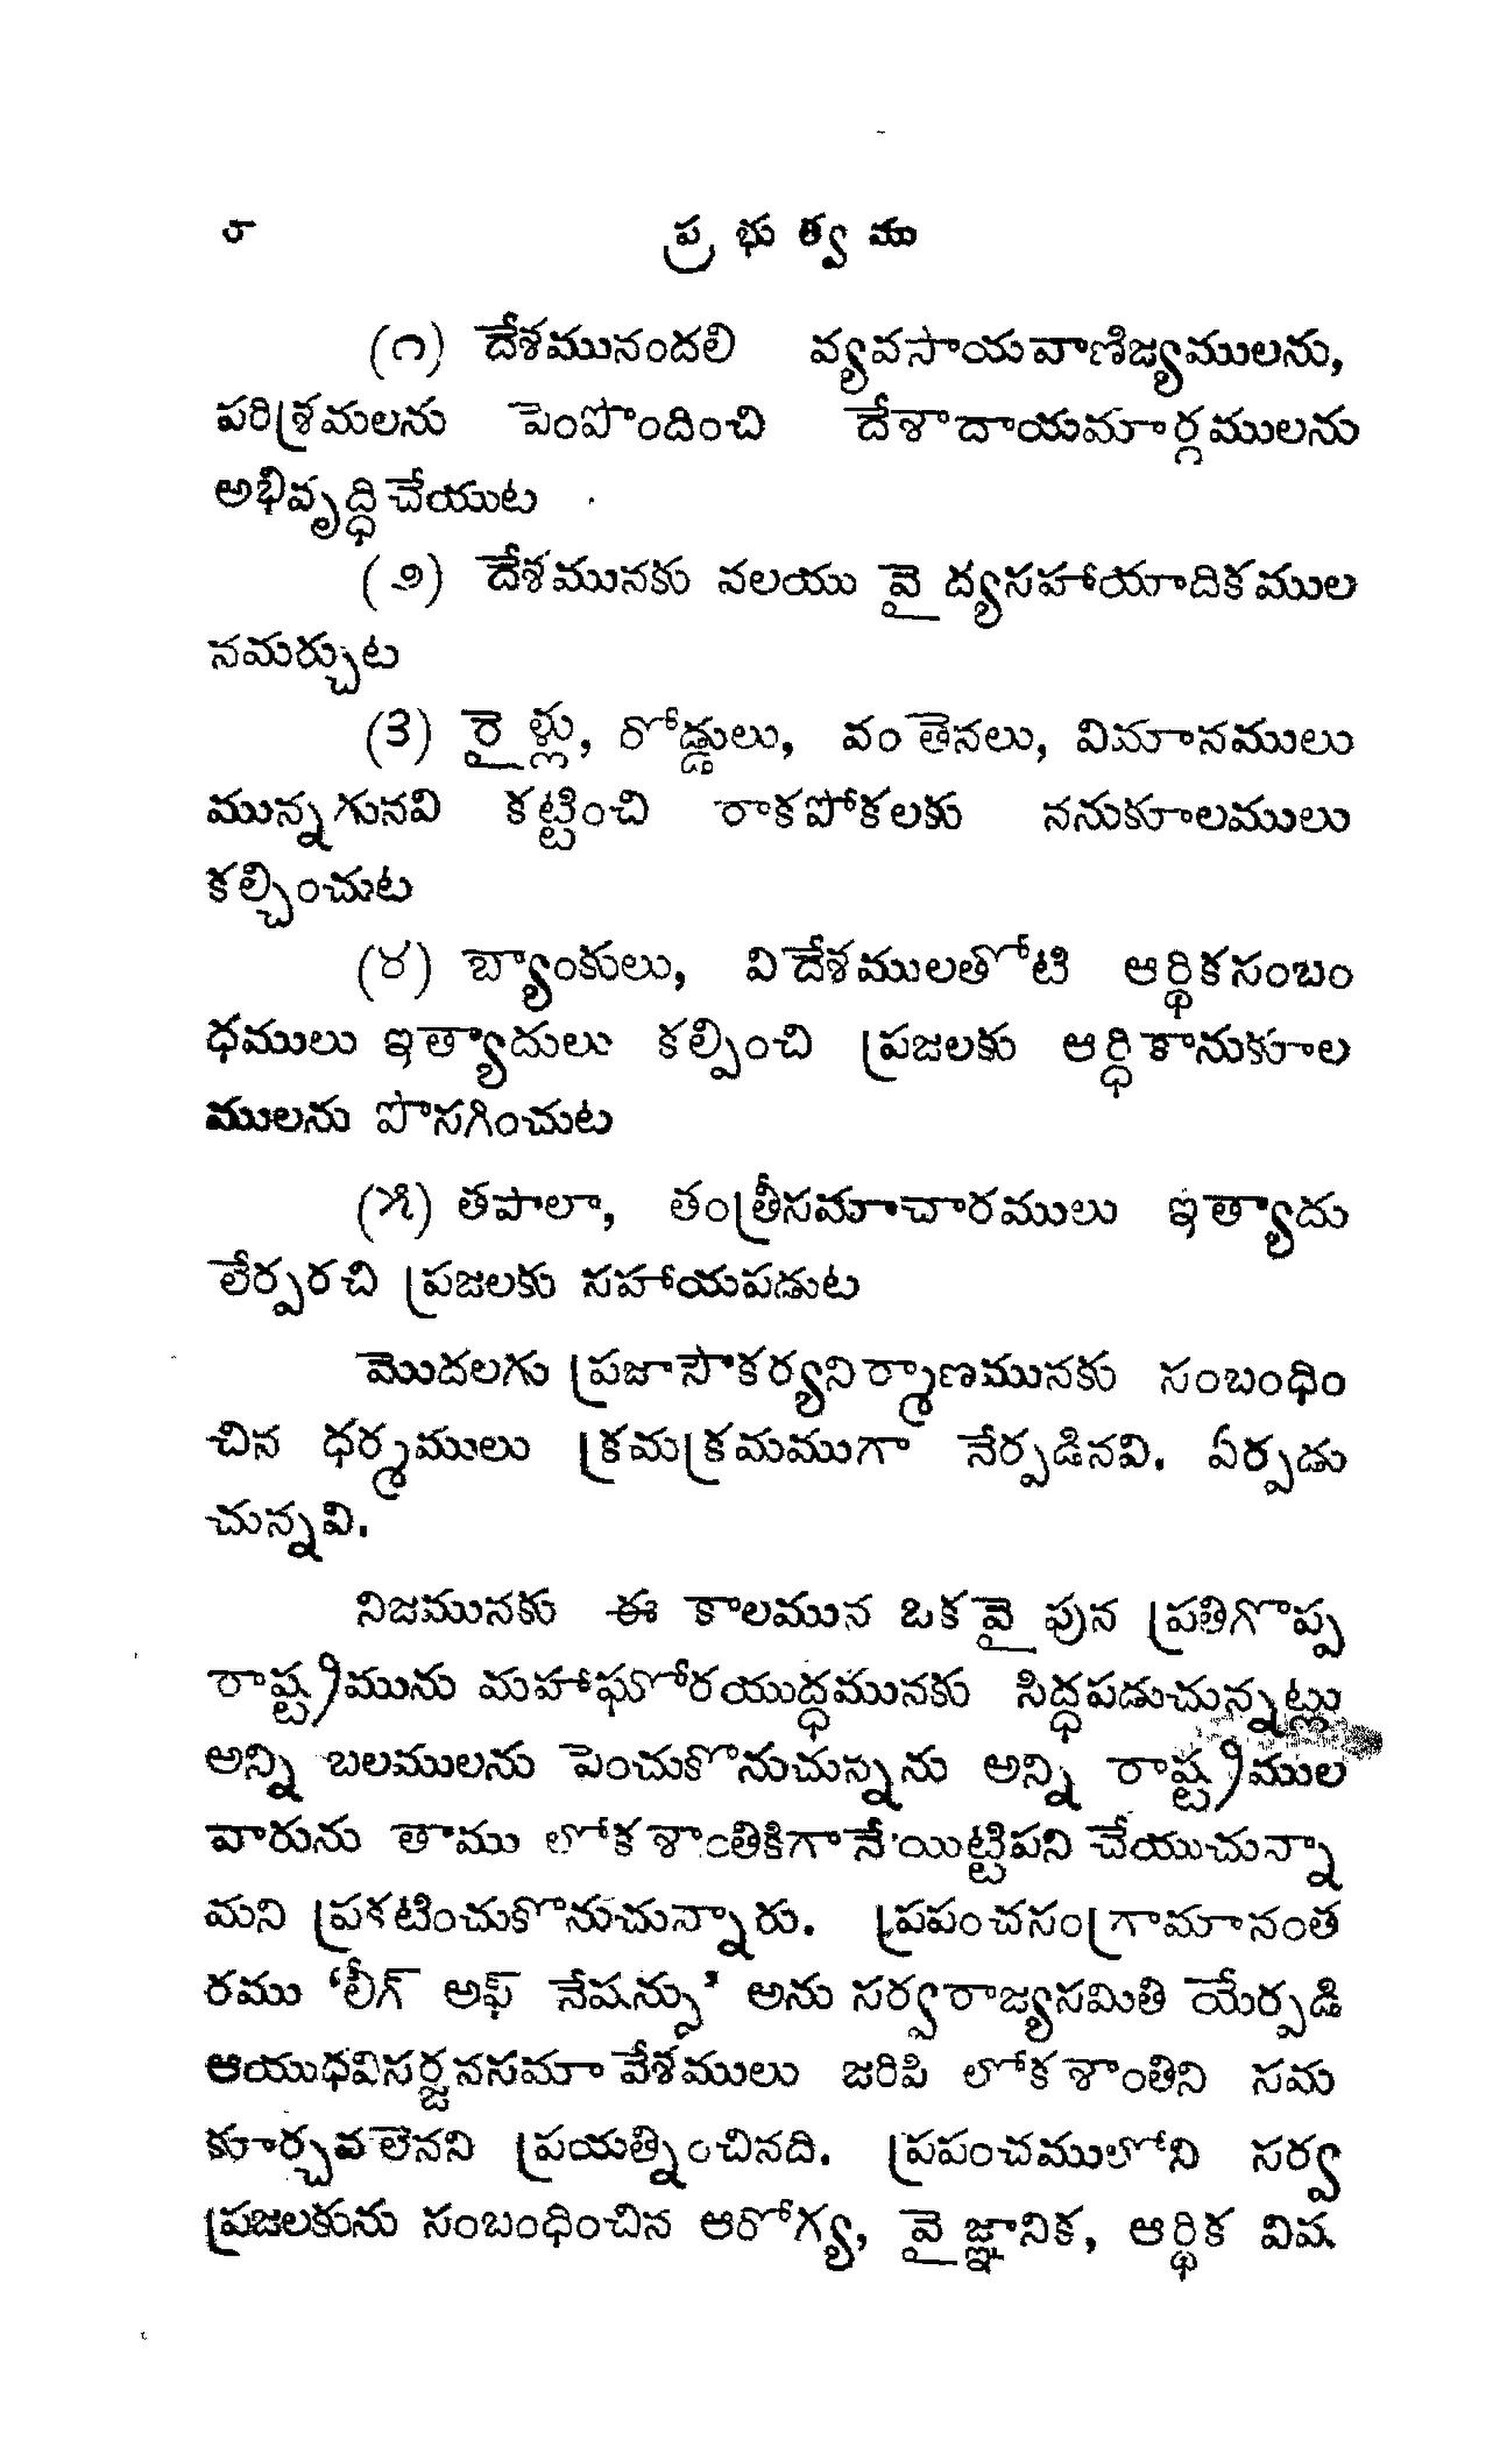(1) దేశమునందలి వ్యవసాయవాణిజ్యములను, పరిశ్రమలను పెంపొందించి దేశాదాయ మార్గములను అభివృద్ధిచేయుట

(2) దేశమునకు వలయు వైద్యసహాయాదికముల నమర్చుట

(3) రైళ్లు, రోడ్డులు, వంతెనలు, విమానములు మున్నగునవి కట్టించి రాకపోకలకు ననుకూలములు
కల్పించుట

(4) బ్యాంకులు, విదేశములతోటి ఆర్థికసంబంధములు ఇత్యాదులు కల్పించి ప్రజలకు ఆర్థికానుకూల
ములను పొసగించుట

(5) తపాలా, తంత్రీసమాచారములు ఇత్యాదు లేర్పరచి ప్రజలకు సహాయపడుట

మొదలగు ప్రజాసౌకర్యనిర్మాణమునకు సంబంధించిన ధర్మములు క్రమక్రమముగా నేర్పడినవి. ఏర్పడు
చున్నవి.

నిజమునకు ఈ కాలమున ఒకవైపున ప్రతిగొప్ప రాష్ట్రమును మహాఘోరయుద్ధమునకు సిద్ధపడుచున్నట్లు, అన్ని బలములను పెంచుకొనుచున్నను అన్ని రాష్ట్రముల వారును తాము లోకశాంతికిగానే యిట్టిపని చేయుచున్నామని ప్రకటించుకొనుచున్నారు. ప్రపంచసంగ్రామానంతరము 'లీగ్ అఫ్ నేషన్సు' అను సర్వరాజ్యసమితి యేర్పడి ఆయుధవిసర్జనసమావేశములు జరిపి లోకశాంతిని సమకూర్చవలెనని ప్రయత్నించినది. ప్రపంచములోని సర్వప్రజలకును సంబంధించిన ఆరోగ్య, వైజ్ఞానిక, ఆర్థిక విష